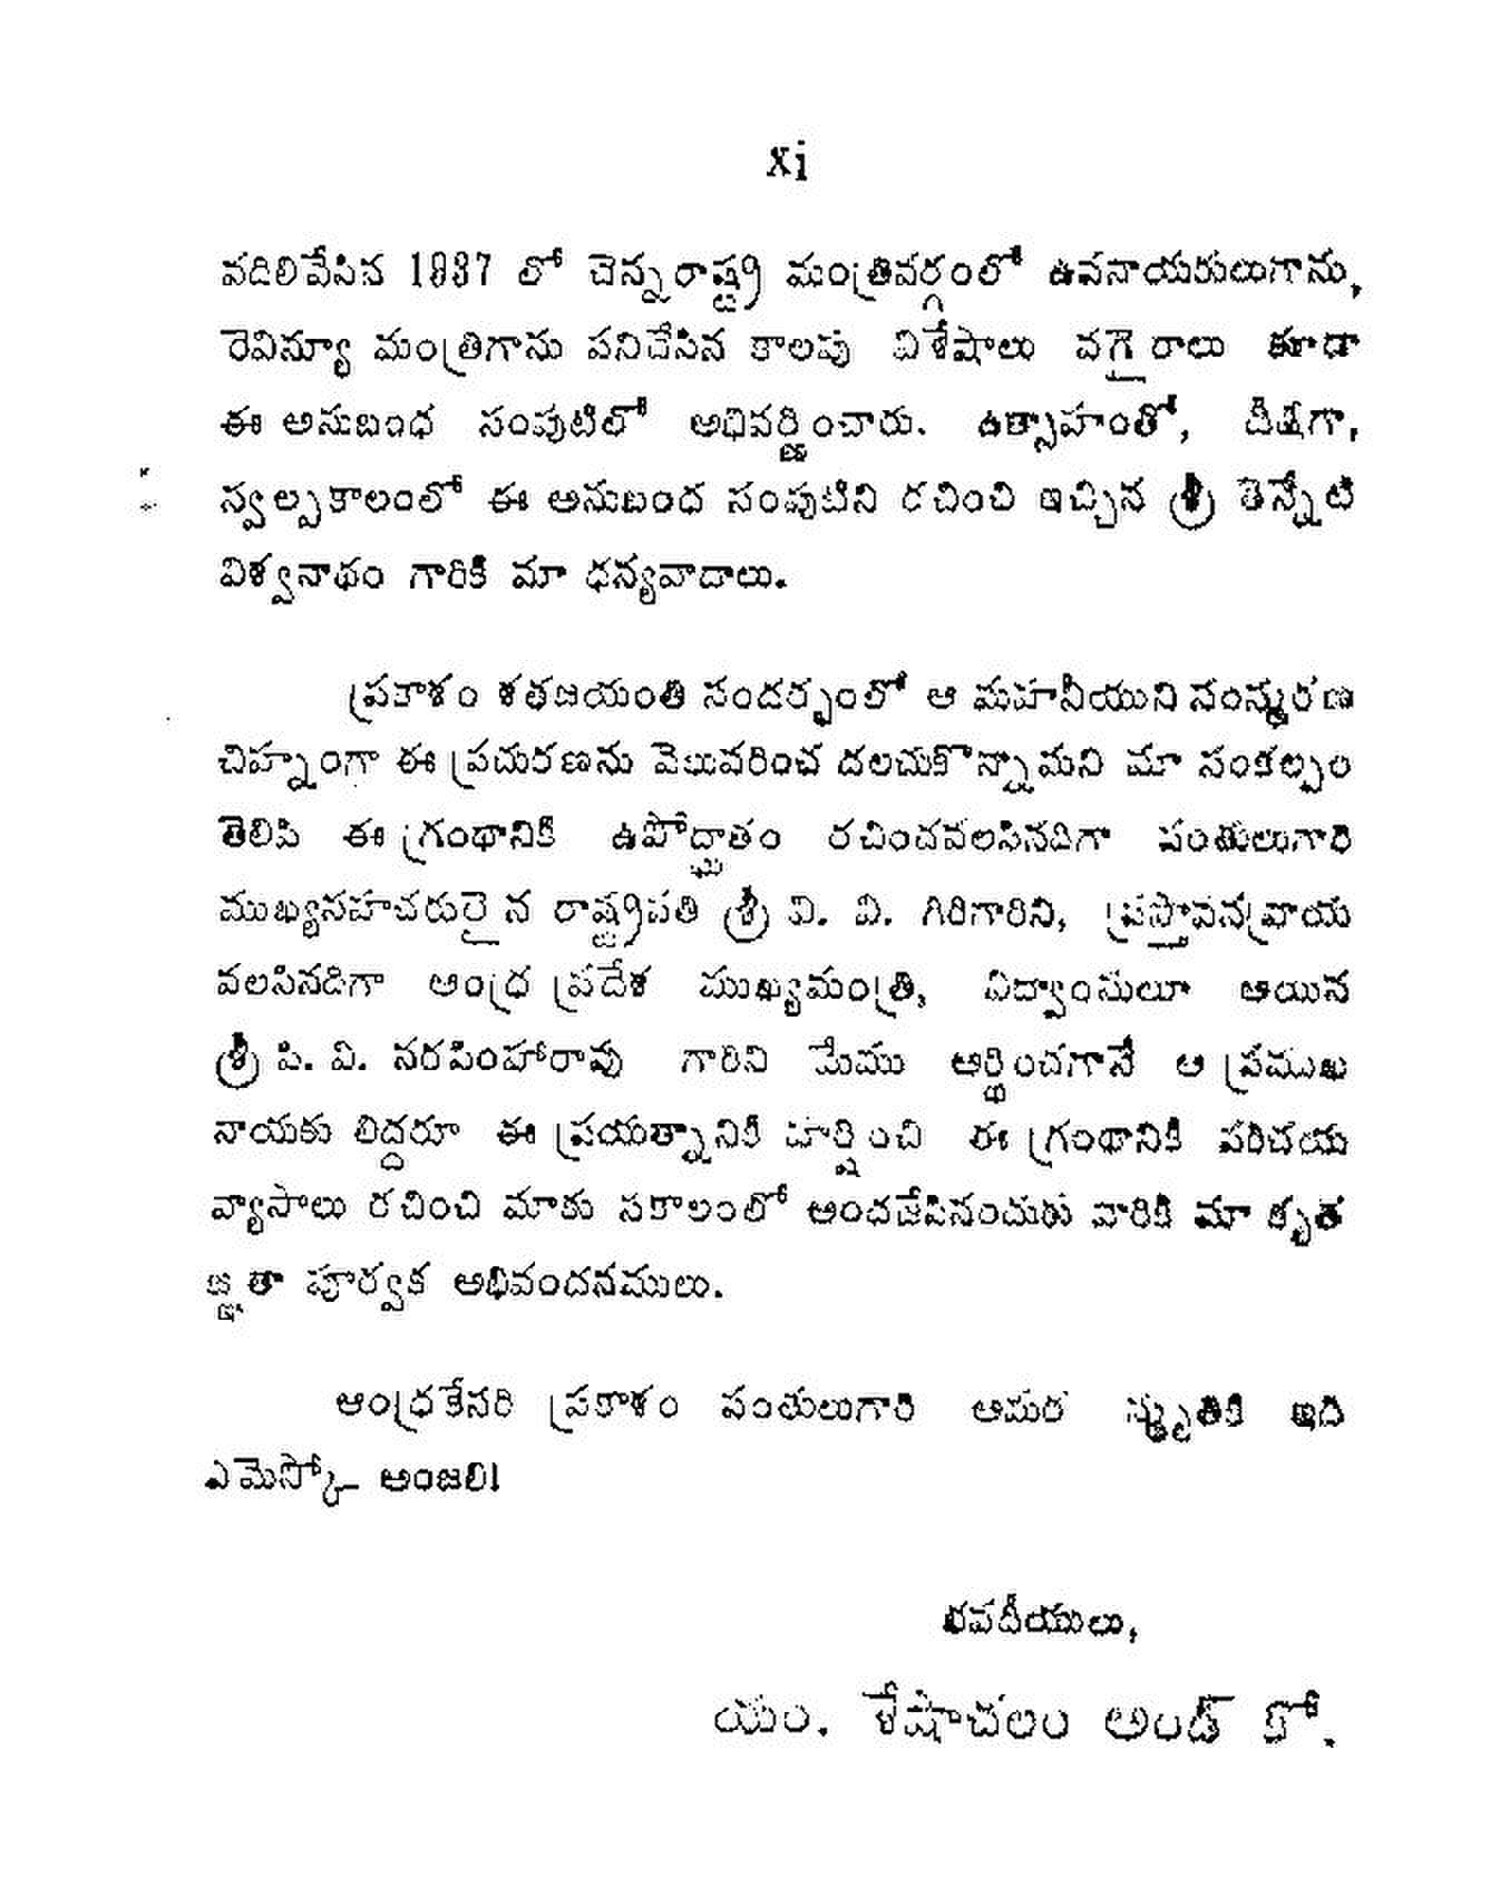వదలివేసిన 1937 లో చెన్నరాష్ట్ర మంత్రివర్గంలో ఉపనాయకులుగాను, రెవిన్యూ మంత్రిగాను పనిచేసిన కాలపు విశేషాలు వగైరాలు కూడా ఈ అనుబంధ సంపుటిలో అభివర్ణించారు. ఉత్సాహంతో, దీక్షగా, స్వల్పకాలంలో ఈ అనుబంధ సంపుటిని రచించి ఇచ్చిన శ్రీ తెన్నేటి విశ్వనాథం గారికి మా ధన్యవాదాలు.

ప్రకాశం శతజయంతి సందర్బంలో ఆ మహనీయుని సంస్మరణ చిహ్నంగా ఈ ప్రచురణను వెలువరించ దలచుకొన్నామని మా సంకల్పం తెలిపి ఈ గ్రంథానికి ఉపోద్ఘాతం రచించ వలసినదిగా పంతులుగారి ముఖ్యసహచరులైన రాష్ట్రపతి శ్రీ వి. వి. గిరిగారిని, ప్రస్తావనవ్రాయ వలసినదిగా ఆంధ్ర ప్రదేశ ముఖ్యమంత్రి, విద్వాంసులూ అయిన శ్రీ పి. వి. నరసింహారావు గారిని మేము అర్థించగానే ఆ ప్రముఖ నాయకు లిద్దరూ ఈ ప్రయత్నానికి హర్షించి ఈ గ్రంథానికి పరిచయ వ్యాసాలు రచించి మాకు సకాలంలో అందజేసినందుకు వారికి మా కృతజ్ఞతా పూర్వక అభివందనములు.

ఆంధ్రకేసరి ప్రకాశం పంతులుగారి అమర స్మృతికి ఇది ఎమెస్కో అంజలి!
 భవదీయులు,
యం. శేషాచలం అండ్ కో.